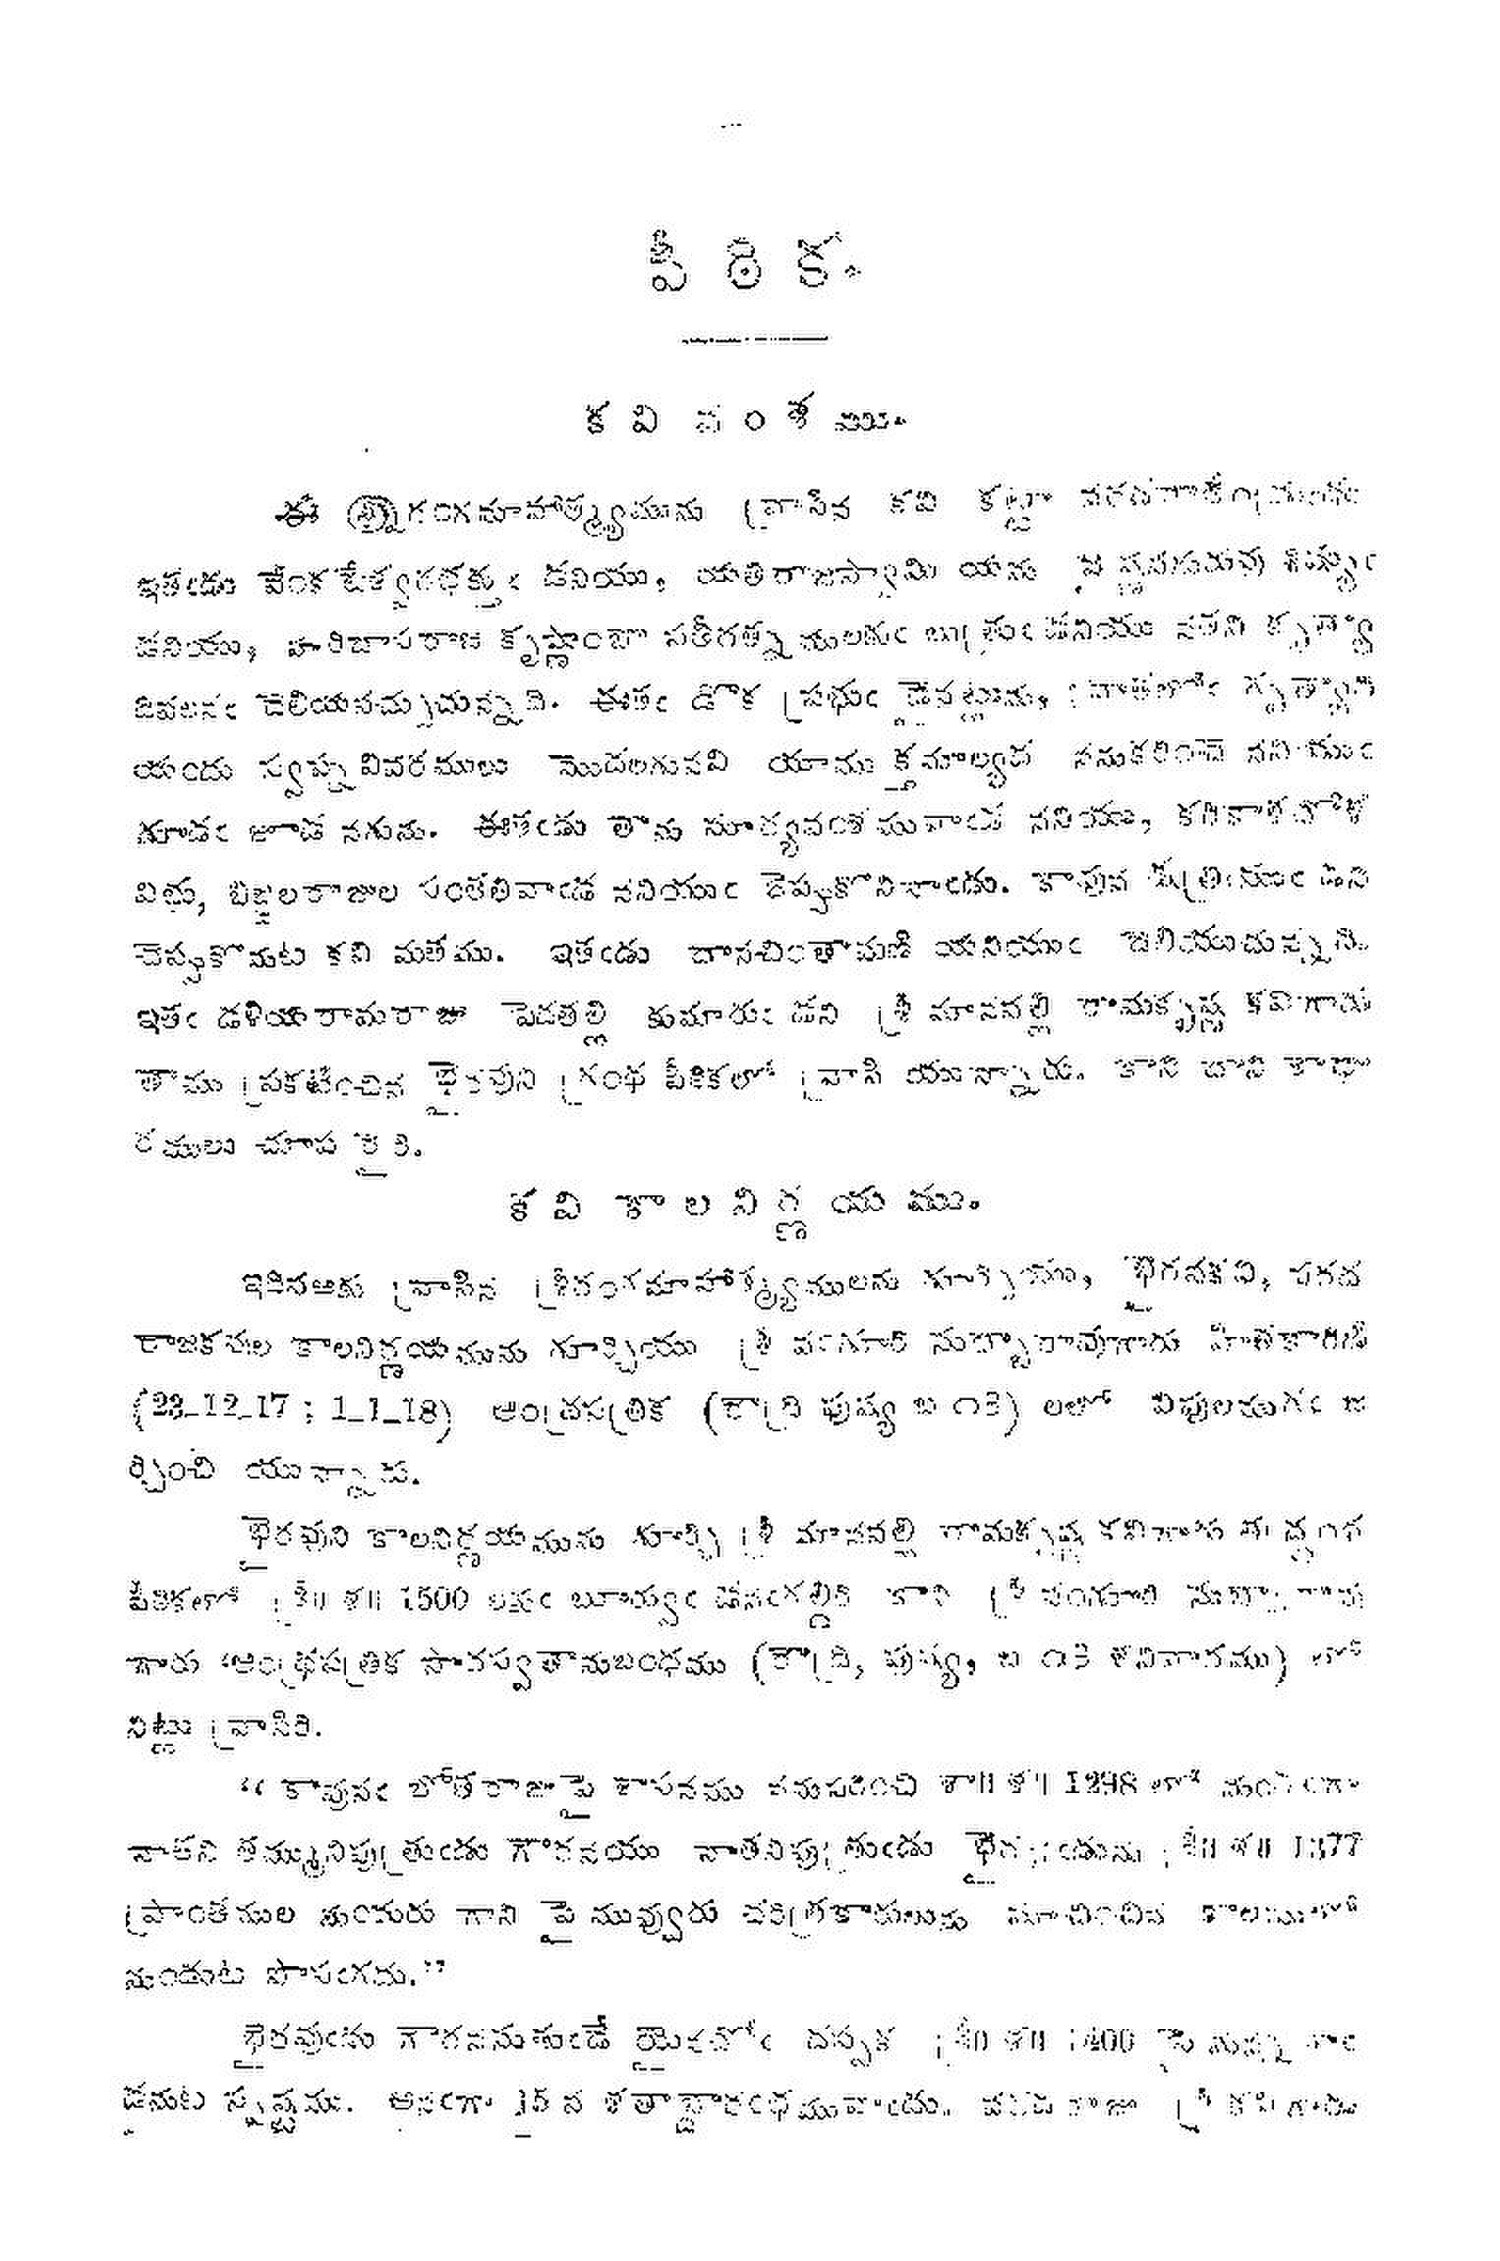ఈశ్రీరంగమాహాత్మ్యమును వ్రాసిన కవి కట్టా వరదరాజేంద్రుండు. ఇతఁడు వేంకటేశ్వరభక్తుఁ యడనియు, యతిరాజస్వామి యను వైష్ణవగురువు శిష్యుఁ డనియు, హరిదాసరాజ కృష్ణాంబా సతీరత్నములకుఁ బుత్రుఁ డనియు నతని కృత్యాదివలనఁ దెలియవచ్చుచున్నది. ఈతఁ డొక ప్రభుఁ డైనట్లును, వ్రాతలోఁ గృత్యాదియందు స్వప్నవివరములు మొదలగునవి యాము క్తమాల్యద ననుకరించె ననియుఁ గూడఁ జూడ నగును. ఈఁతడు తాను సూర్యవంశమువాఁడ ననియు, కపికాళచోళవిభు, బిజ్జలరాజుల సంగతివాఁడ ననియుఁ చెప్పుకొనినాఁడు. కావున క్షత్రియుఁ డని చెప్పుకొనుట కవి మతఠము. ఇతఁడు దానచింతామణి యనియుఁ దెలియుచున్నది. ఇతఁ డళియరామరాజు పెదతల్లి కుమారుఁ డని శ్రీ మానవల్లి రామకృష్ణ కవిగారు తాము ప్రకటించిన భైరవుని గ్రంథ పీఠికలో వ్రాసి యున్నారు. కాని దాని కాధారములు చూపరైరి.

ఇదివఱకు వ్రాసిన శ్రీరంగమాహాత్మ్యములను గూర్చియు, భైరవకవి, వరదరాజకవుల కాలనిర్ణయమును గూర్చియు శ్రీ వంగూరి సుబ్బారావుగారు హితకారిణి {29-12-17 ; 1_1_18) ఆంధ్రపత్రిక (రౌద్రి, పుష్య, బ 13 శనివారము) లలో విపులముగఁ జర్చించి యున్నారు.

భైరవుని కాలనిర్ణయమును గూర్చి శ్రీ మానవల్లి రామకృష్ణ కవిగారు తద్గ్రంథపీఠికలో క్రీ॥శ॥ 1500 లకుఁ బూర్వుఁ డనఁగల్గిరి కాని శ్రీ వంగూరి సుబ్బారావుగారు ఆంధ్రపత్రిక సారస్వతానుబంధము (రౌద్రి, పుష్య, బ 13 శనివారము) లో నిట్లు వ్రాసిరి.

"కావునఁ బోతరాజు పై శాసనము ననుసరించి శా॥శ॥ 1298 లో నుండఁగా నాతని తమ్మునిపుత్రుఁడు గౌరనయు నాతనిపుత్రుఁడు భైరవుఁడును క్రీ॥శ॥ 1377 ప్రాంతముల నుందురు గాని పై మువ్వురు చరిత్రకారులును సూచించిన కాలములో నుండుట పొసగదు."

భైరవుఁడు గౌరనసుతుఁడే యైనచో దప్పక క్రీ॥శ॥ 1400 పై నున్నవాఁడనుట స్పష్టము. అనఁగా 15 వ శతాబ్దారంభమువాఁడు. వరదరాజు శ్రీ కవిగారు